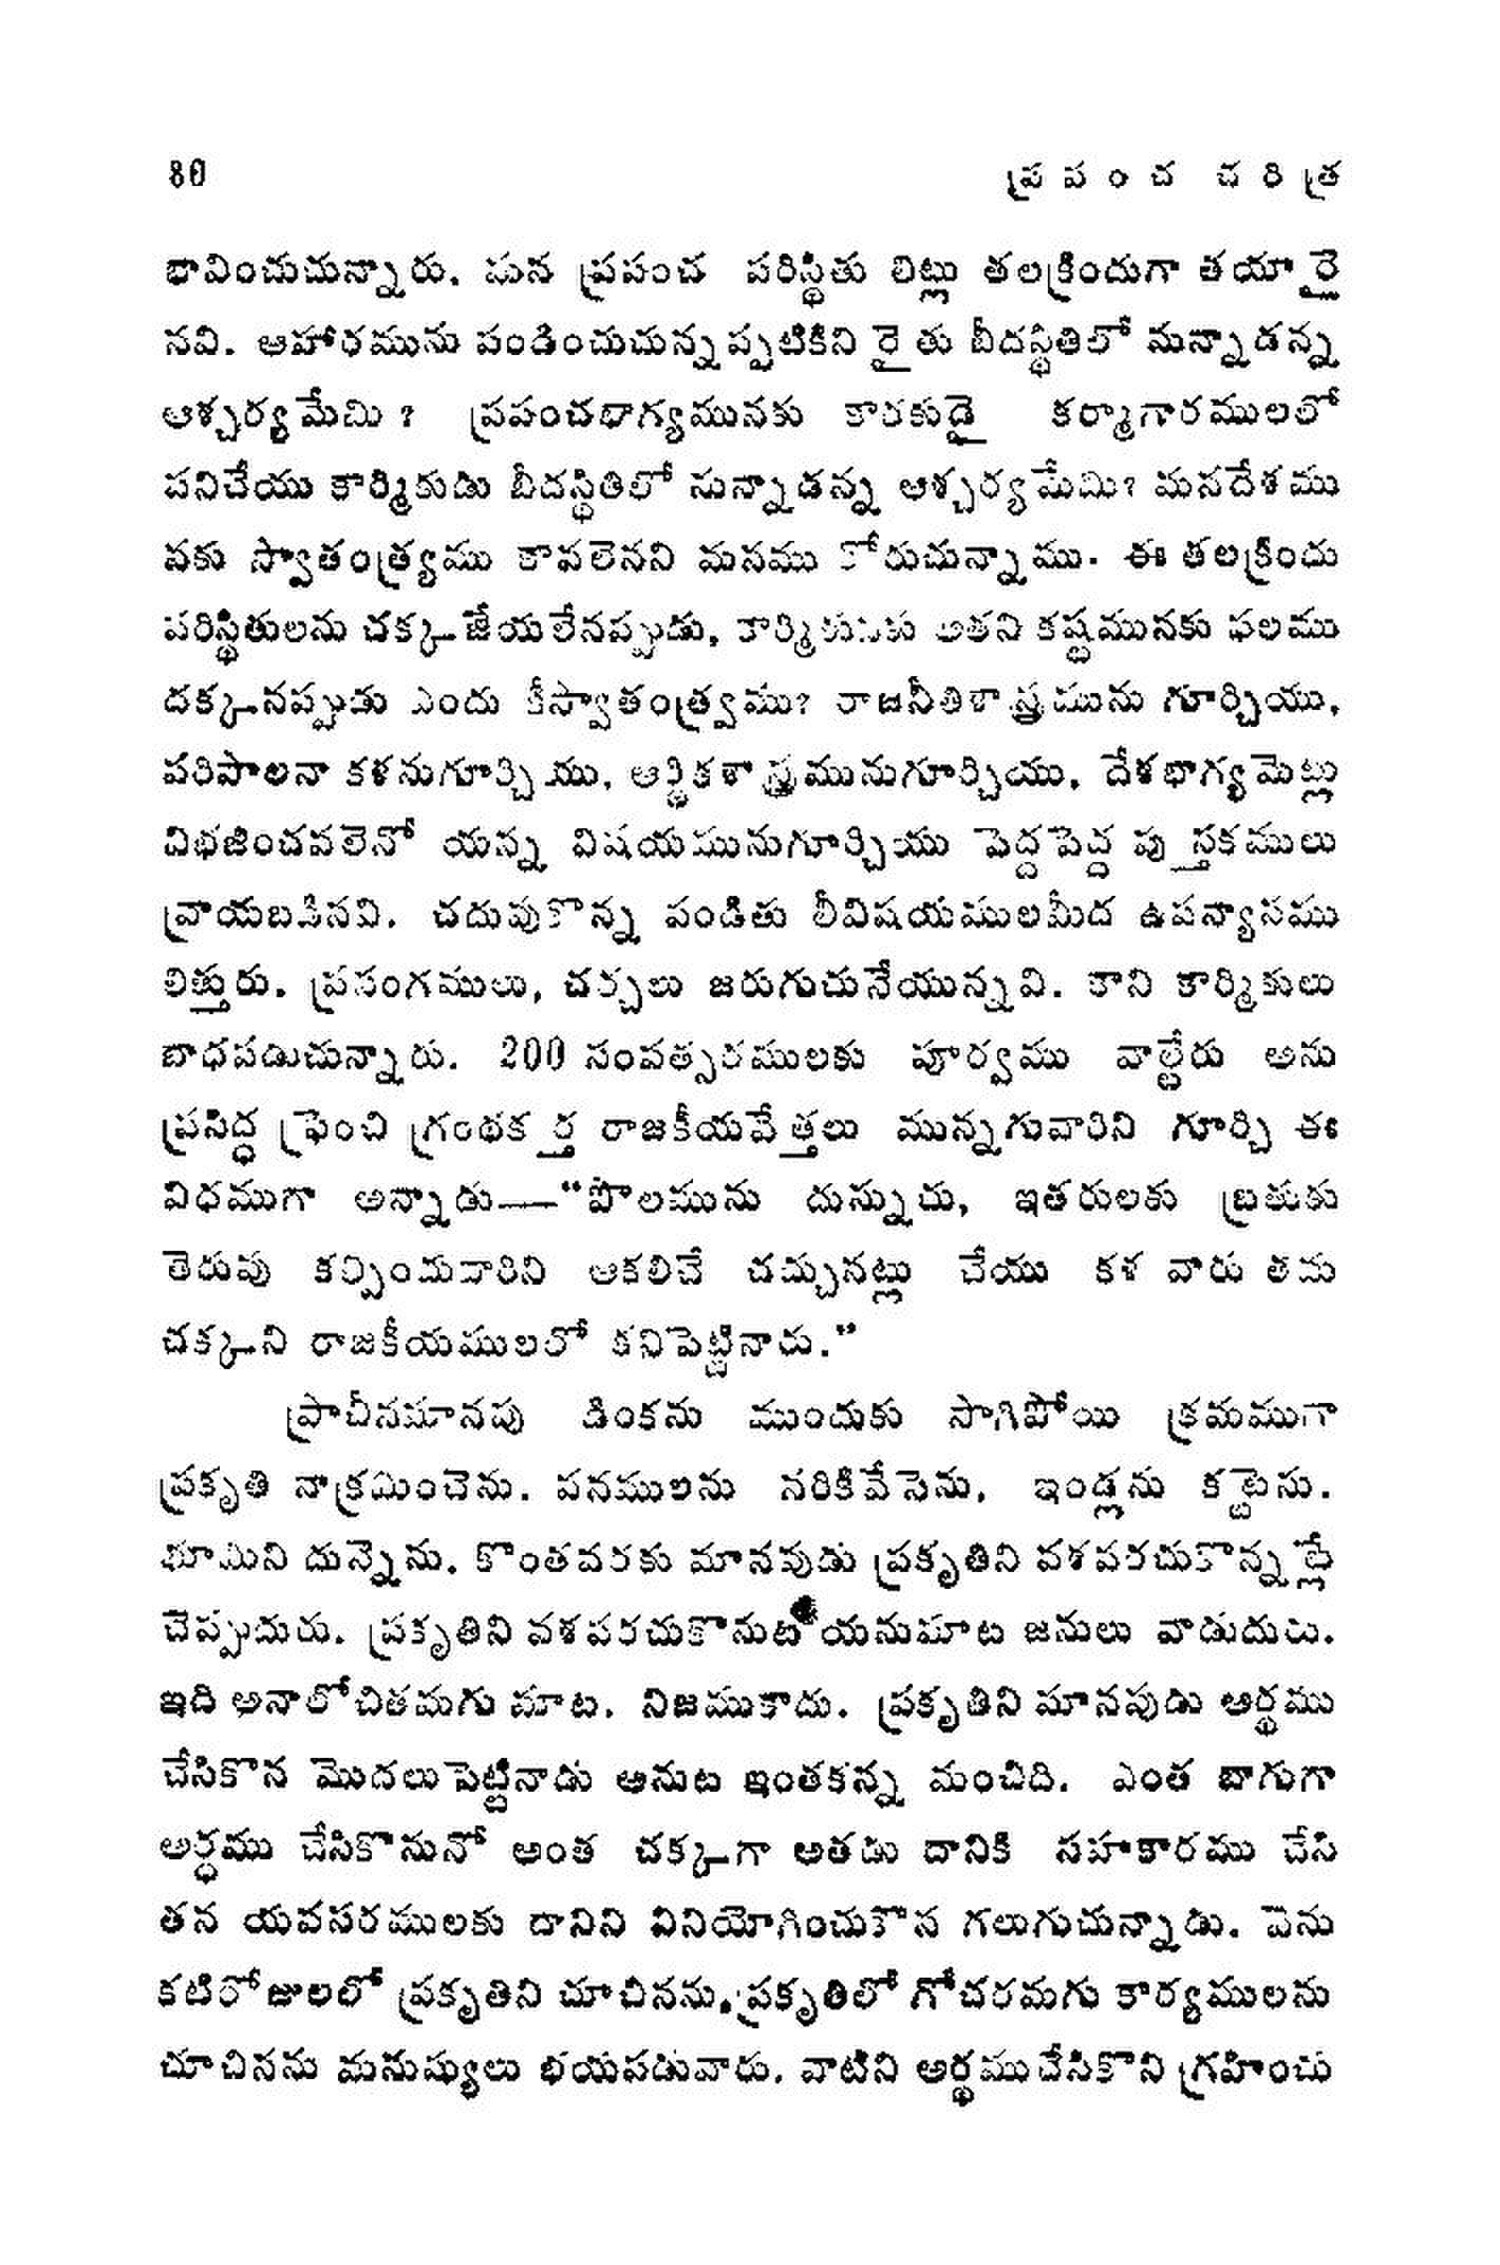భావించుచున్నారు. మన ప్రపంచ పరిస్థితు లిట్లు తలక్రిందుగా తయారైనవి. ఆహారమును పండించుచున్నప్పటికిని రైతు బీదస్థితిలో నున్నాడన్న ఆశ్చర్యమేమి ? ప్రపంచభాగ్యమునకు కారకుడై కర్మాగారములలో పనిచేయు కార్మికుడు బీదస్థితిలో నున్నాడన్న ఆశ్చర్యమేమి? మనదేశమునకు స్వాతంత్ర్యము కావలెనని మనము కోరుచున్నాము. ఈ తలక్రిందు పరిస్థితులను చక్కజేయ లేనప్పుడు, కార్మికునకు అతని కష్టమునకు ఫలము దక్కనప్పుడు ఎందు కీస్వాతంత్ర్వము? రాజనీతిశాస్త్రమును గూర్చియు, పరిపాలనా కళనుగూర్చియు, ఆర్థికశాస్త్రమునుగూర్చియు, దేశభాగ్యమెట్లు విభజించవలెనో యన్న విషయమునుగూర్చియు పెద్ద పెద్ద పుస్తకములు వ్రాయబడినవి. చదువుకొన్న పండితు లీవిషయములమీద ఉపన్యాసము లిత్తురు. ప్రసంగములు, చర్చలు జరుగుచునేయున్నవి. కాని కార్మికులు బాధపడుచున్నారు. 200 సంవత్సరములకు పూర్వము వాల్టేరు అను ప్రసిద్ధ ఫ్రెంచి గ్రంథకర్త రాజకీయవేత్తలు మున్నగువారిని గూర్చి ఈ విధముగా అన్నాడు - "పొలమును దున్నుచు, ఇతరులకు బ్రతుకు తెరుపు కల్పించువారిని ఆకలిచే చచ్చునట్లు చేయు కళ వారు తమ చక్కని రాజకీయములలో కనిపెట్టినారు."

ప్రాచీనమానవు డింకను ముందుకు సాగిపోయి క్రమముగా ప్రకృతి నాక్రమించెను. వనములను నరికివేసెను, ఇండ్లను కట్టెను. భూమిని దున్నెను. కొంతవరకు మానవుడు ప్రకృతిని వశపరచుకొన్నట్లే చెప్పుదురు. ప్రకృతిని వశపరచుకొనుట యనుమాట జనులు వాడుదురు. ఇది అనాలోచితమగు మాట. నిజముకాదు. ప్రకృతిని మానవుడు అర్థము చేసికొన మొదలు పెట్టినాడు ఆనుట ఇంతకన్న మంచిది. ఎంత బాగుగా అర్ధము చేసికొనునో అంత చక్కగా అతడు దానికి సహకారము చేసి తన యవసరములకు దానిని వినియోగించుకొన గలుగుచున్నాడు. వెనుకటిరోజులలో ప్రకృతిని చూచినను, ప్రకృతిలో గోచరమగు కార్యములను చూచినను మనుష్యులు భయపడువారు. వాటిని అర్థము చేసికొని గ్రహించు